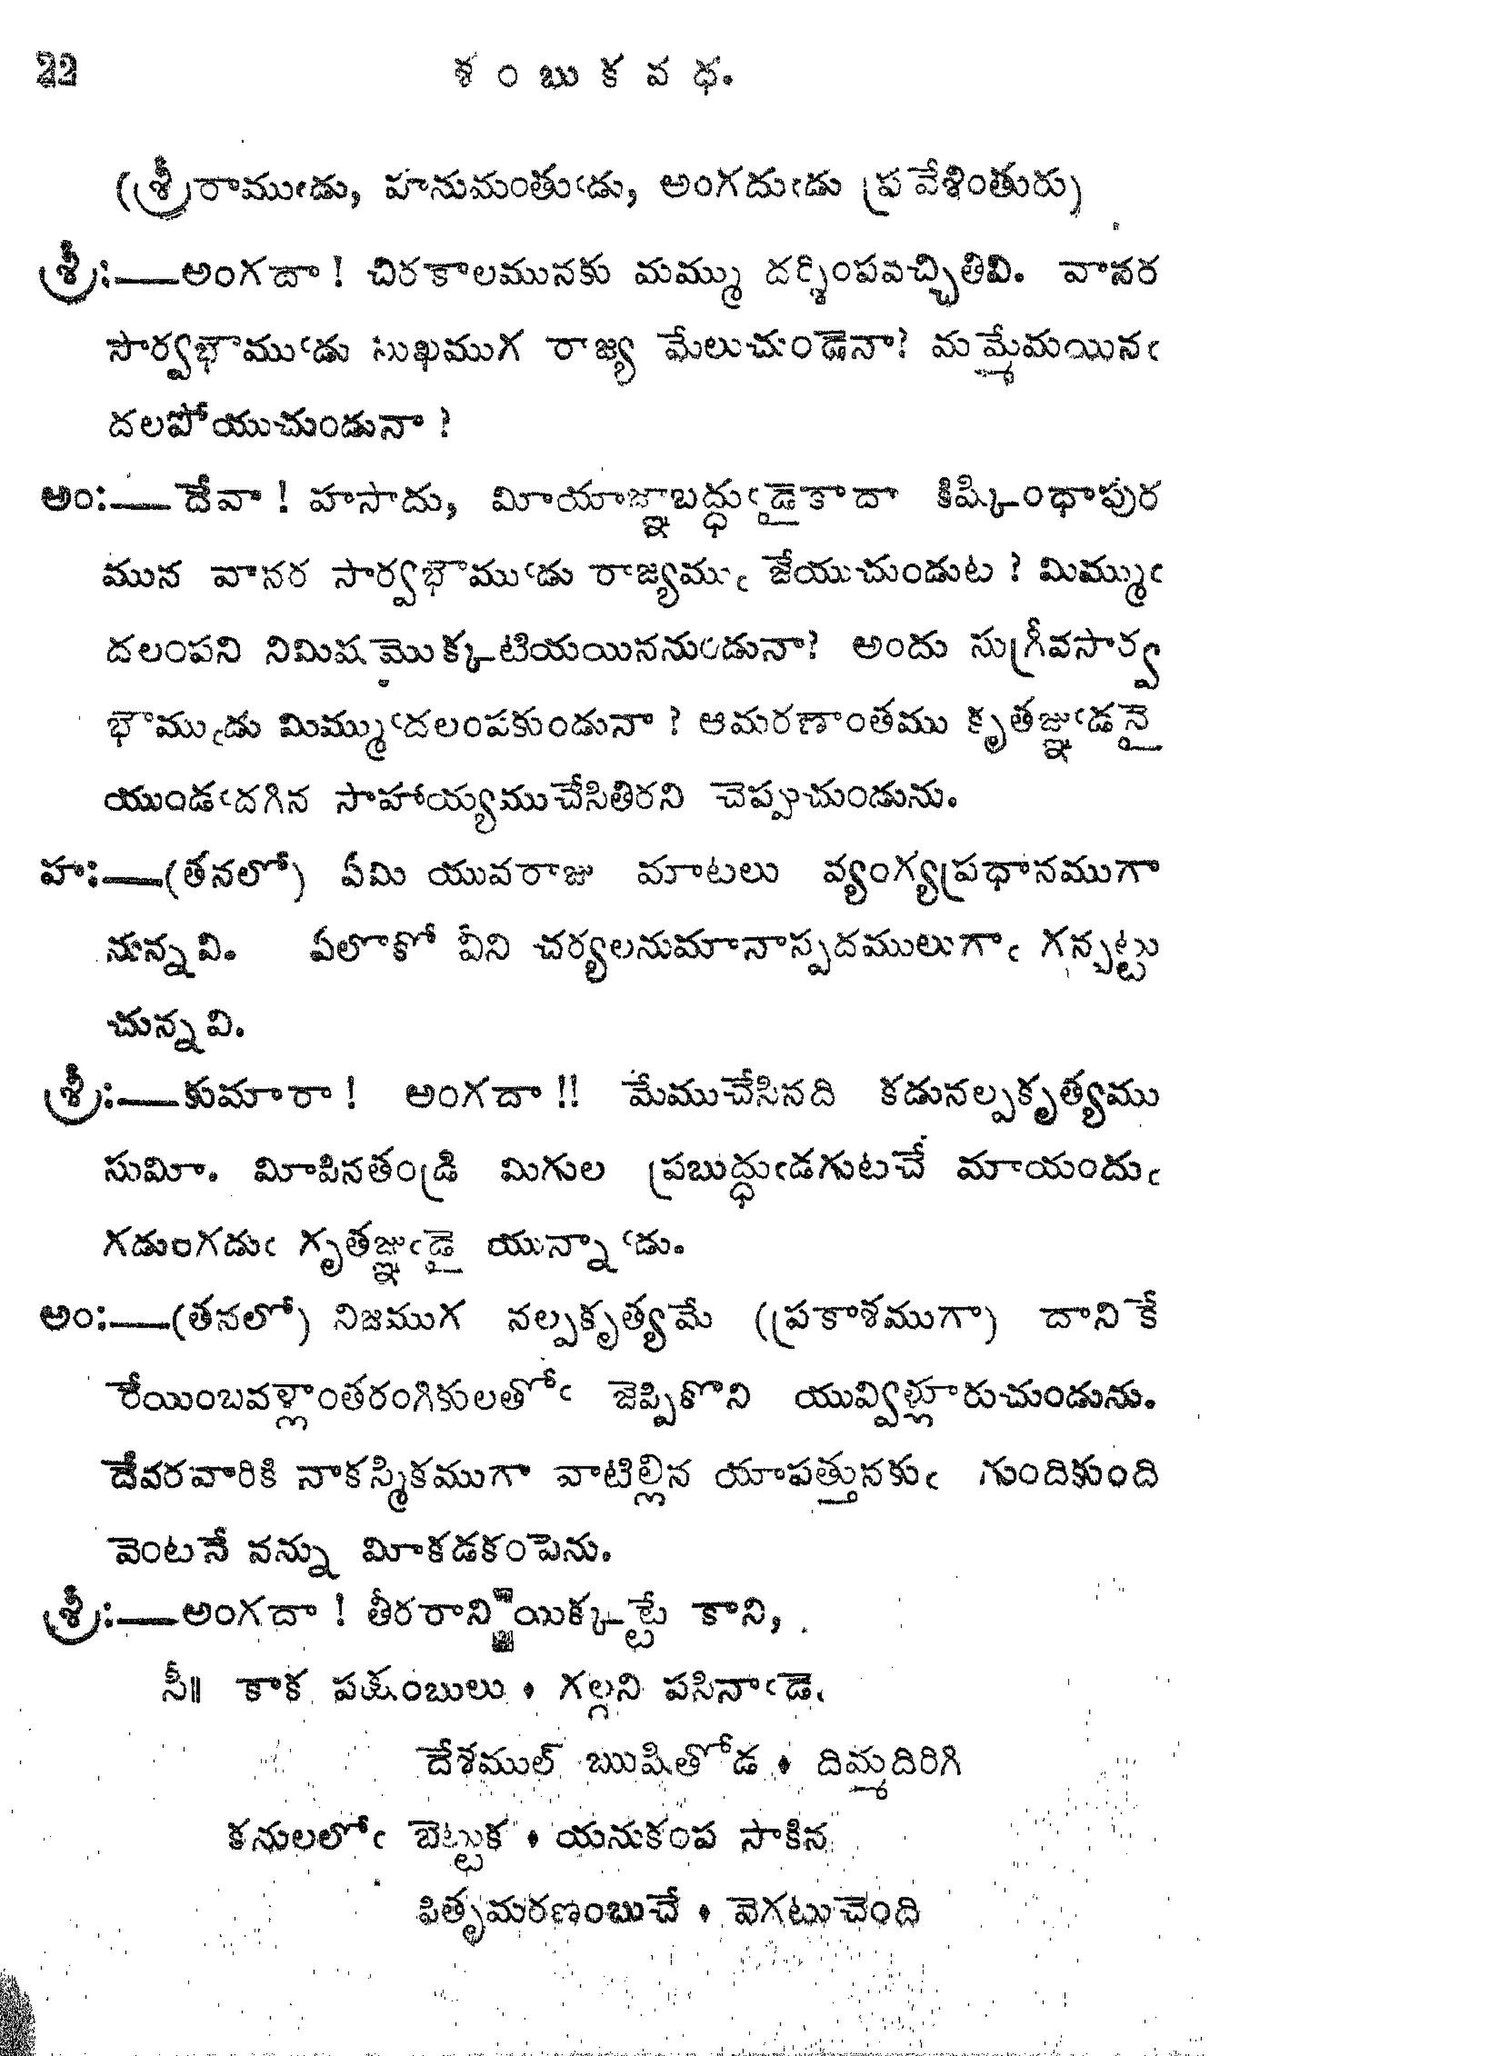శ్రీ:_ అంగదా ! చిరకాలమునకు మమ్ము దర్శింపవచ్చితివి. వాసర
 సౌర్వభౌముఁడు సుఖముగ రాజ్య మేలు చుండెనా! మమ్మేమయిన,
 దలపోయు చుండునా ?

అం:--- దేవా ! హసాదు, మీయాజ్ఞా బద్ధుఁడై కదా కిష్కింధాపుర
 మున వానర సార్వభౌముఁడు రాజ్యముఁ జేయుచుండుట ! మిమ్ముఁ
 దలంపని నిమిష మొక్కటి యయిననుండునా? అందు సుగ్రీవ సార్వ
 భౌముడు మిమ్ము దలంప కుండునా ! ఆమరణాంతము కృతజ్ఞుడనై
 యుండ దగిన సాహాయ్యము చేసితి రని చెప్పు చుండును.

హ:- (తనలో) ఏమి యువరాజు మాటలు వ్యంగ్యప్రధానముగా
 నున్నవి. ఏలాగో వీని చర్యల నుమానాస్పదములుగాఁ గన్పట్టు
 చున్నవి.

శ్రీ:- కుమారా ! అంగదా !! మేము చేసినది కడు నల్పకృత్యము
 సుమీ. మాపినతండ్రి మిగుల ప్రబుద్ధుఁడగుటచే మాయందుఁ
 గడుంగడుఁ గృతజ్ఞుఁడై యున్నాడు.

అం:- (తనలో) నిజముగ నల్పకృత్యమే (ప్రకాశముగా) దానికే
 రేయింబవళ్లాంతరంగికులతోఁ జెప్పికొని యువ్విళ్లూరుచుండును.
 దేవరవారికి నాకస్మికముగా వాటిల్లిన యాఫత్తునకుఁ గుందికుంది
 వెంటనే నన్ను మీకడకంపెను.

శ్రీ:- అంగదా ! తీర రానియిక్కటే కాని, .

 సీ॥ కాక పక్షంబులు ,గల్గని పసినాఁడె
 దేశముల్ ఋషితోడ • దిమ్మదిరిగి
 కనులలో బెట్టుక' . యనుకంప సాకిన
 ఫితృమరణంబుచే • వెగటు చెంది